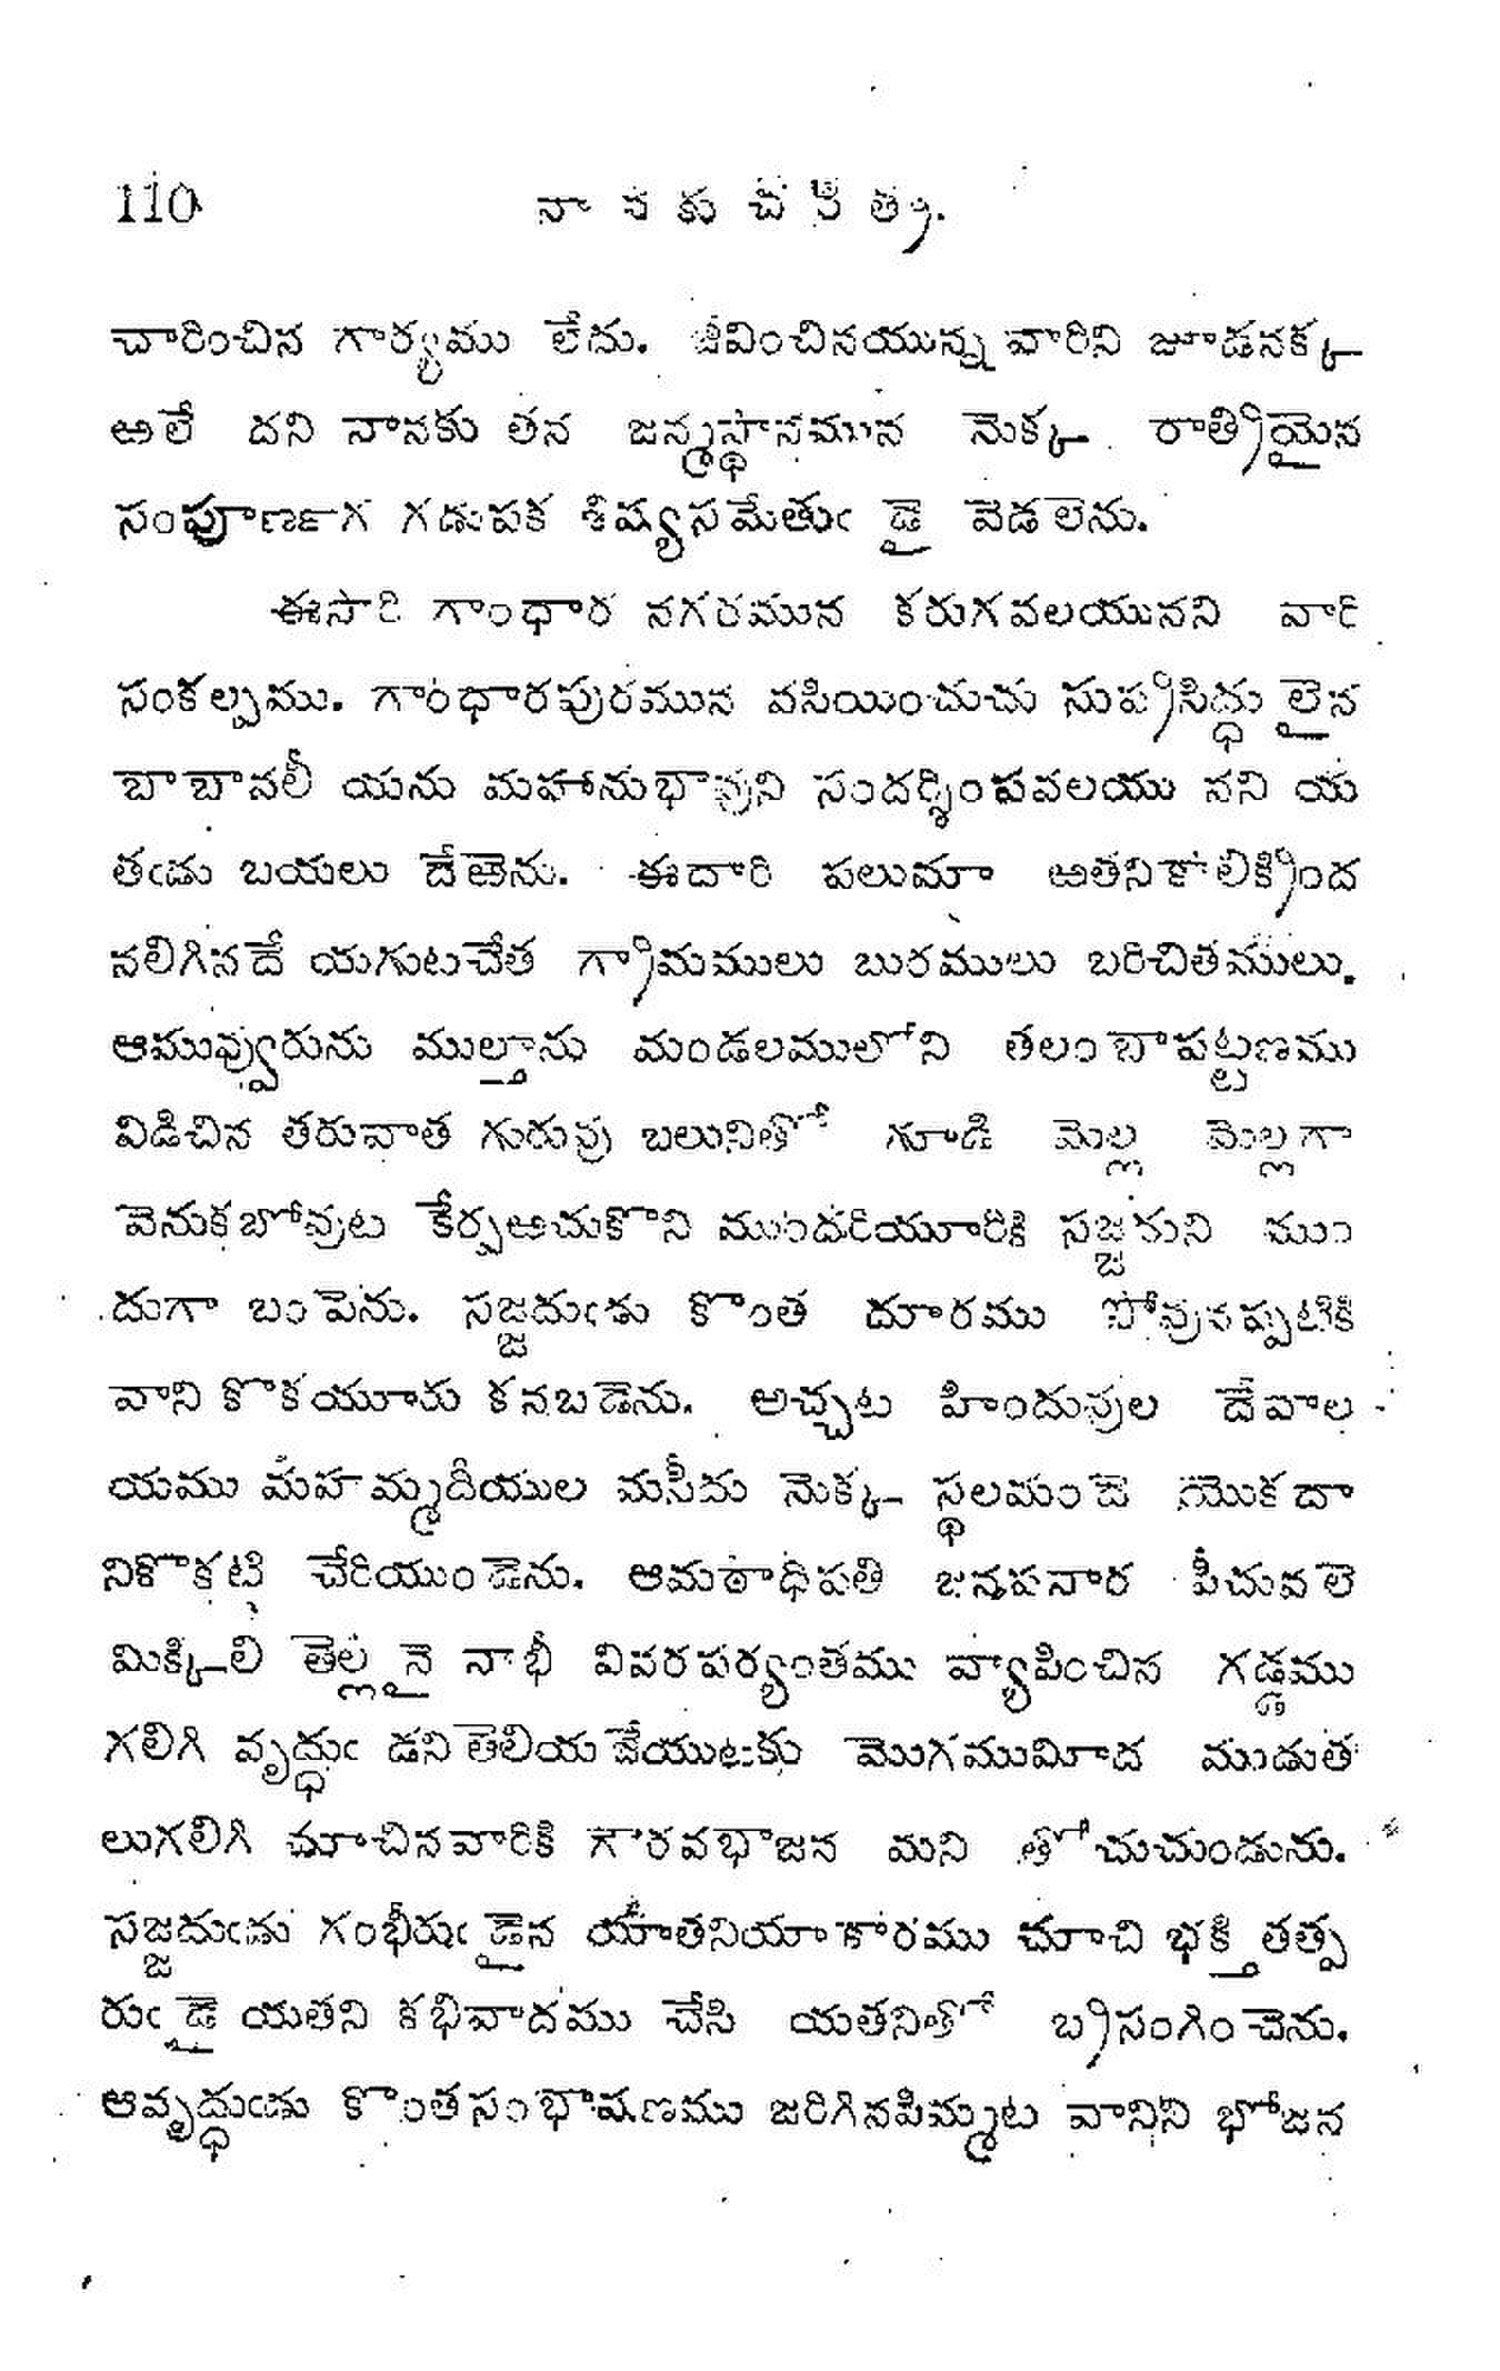చారించిన గార్యము లేదు. జీవించినయున్నవారిని జూడనక్కఱలే దని నానకు తన జన్మస్థానమున నొక్క రాత్రియైన సంపూణన్‌గ గడుపక శిష్యసమేతుడై వెడలెను.

ఈసారి గాంధార నగరమున కరుగవలయునని వారి సంకల్పము. గాంధారపురమున వసియించుచు సుప్రసిద్ధులైన బాబావలీ యను మహానుభావుని సందర్శింపవలయు నని యతడు బయలు దేఱెను. ఈదారి పలుమా ఱతనికాలిక్రింద నలిగినదే యగుటచేత గ్రామములు బురములు బరిచితములు. ఆమువ్వురును ముల్తాను మండలములోని తలంబాపట్టణము విడిచిన తరువాత గురువు బలునితో గూడి మెల్ల మెల్లగా వెనుకబోవుట కేర్పఱచుకొని ముందరియూరికి సజ్జదుని ముందుగాబంపెను. సజ్జదుడు కొంత దూరము పోవునప్పటికి వాని కొకయూరు కనబడెను. అచ్చట హిందువుల దేవాలయము మహమ్మదీయుల మసీదు నొక్క స్థలమందె యొకదానికొకటి చేరియుండెను. ఆమఠాధిపతి జనపనార పీచువలె మిక్కిలి తెల్లనై నాభీ వివరపర్యంతము వ్యాపించిన గడ్డము గలిగి వృద్ధు డనితెలియజేయుటకు మొగముమీద ముడుతలుగలిగి చూచినవారికి గౌరవభాజన మని తోచుచుండును. సజ్జదుడు గంభీరుడైన యాతనియాకారము చూచి భక్తితత్పరుడై యతని కభివాదము చేసి యతనితో బ్రసంగించెను. ఆవృద్ధుడు కొంతసంభాషణము జరిగినపిమ్మట వానిని భోజన